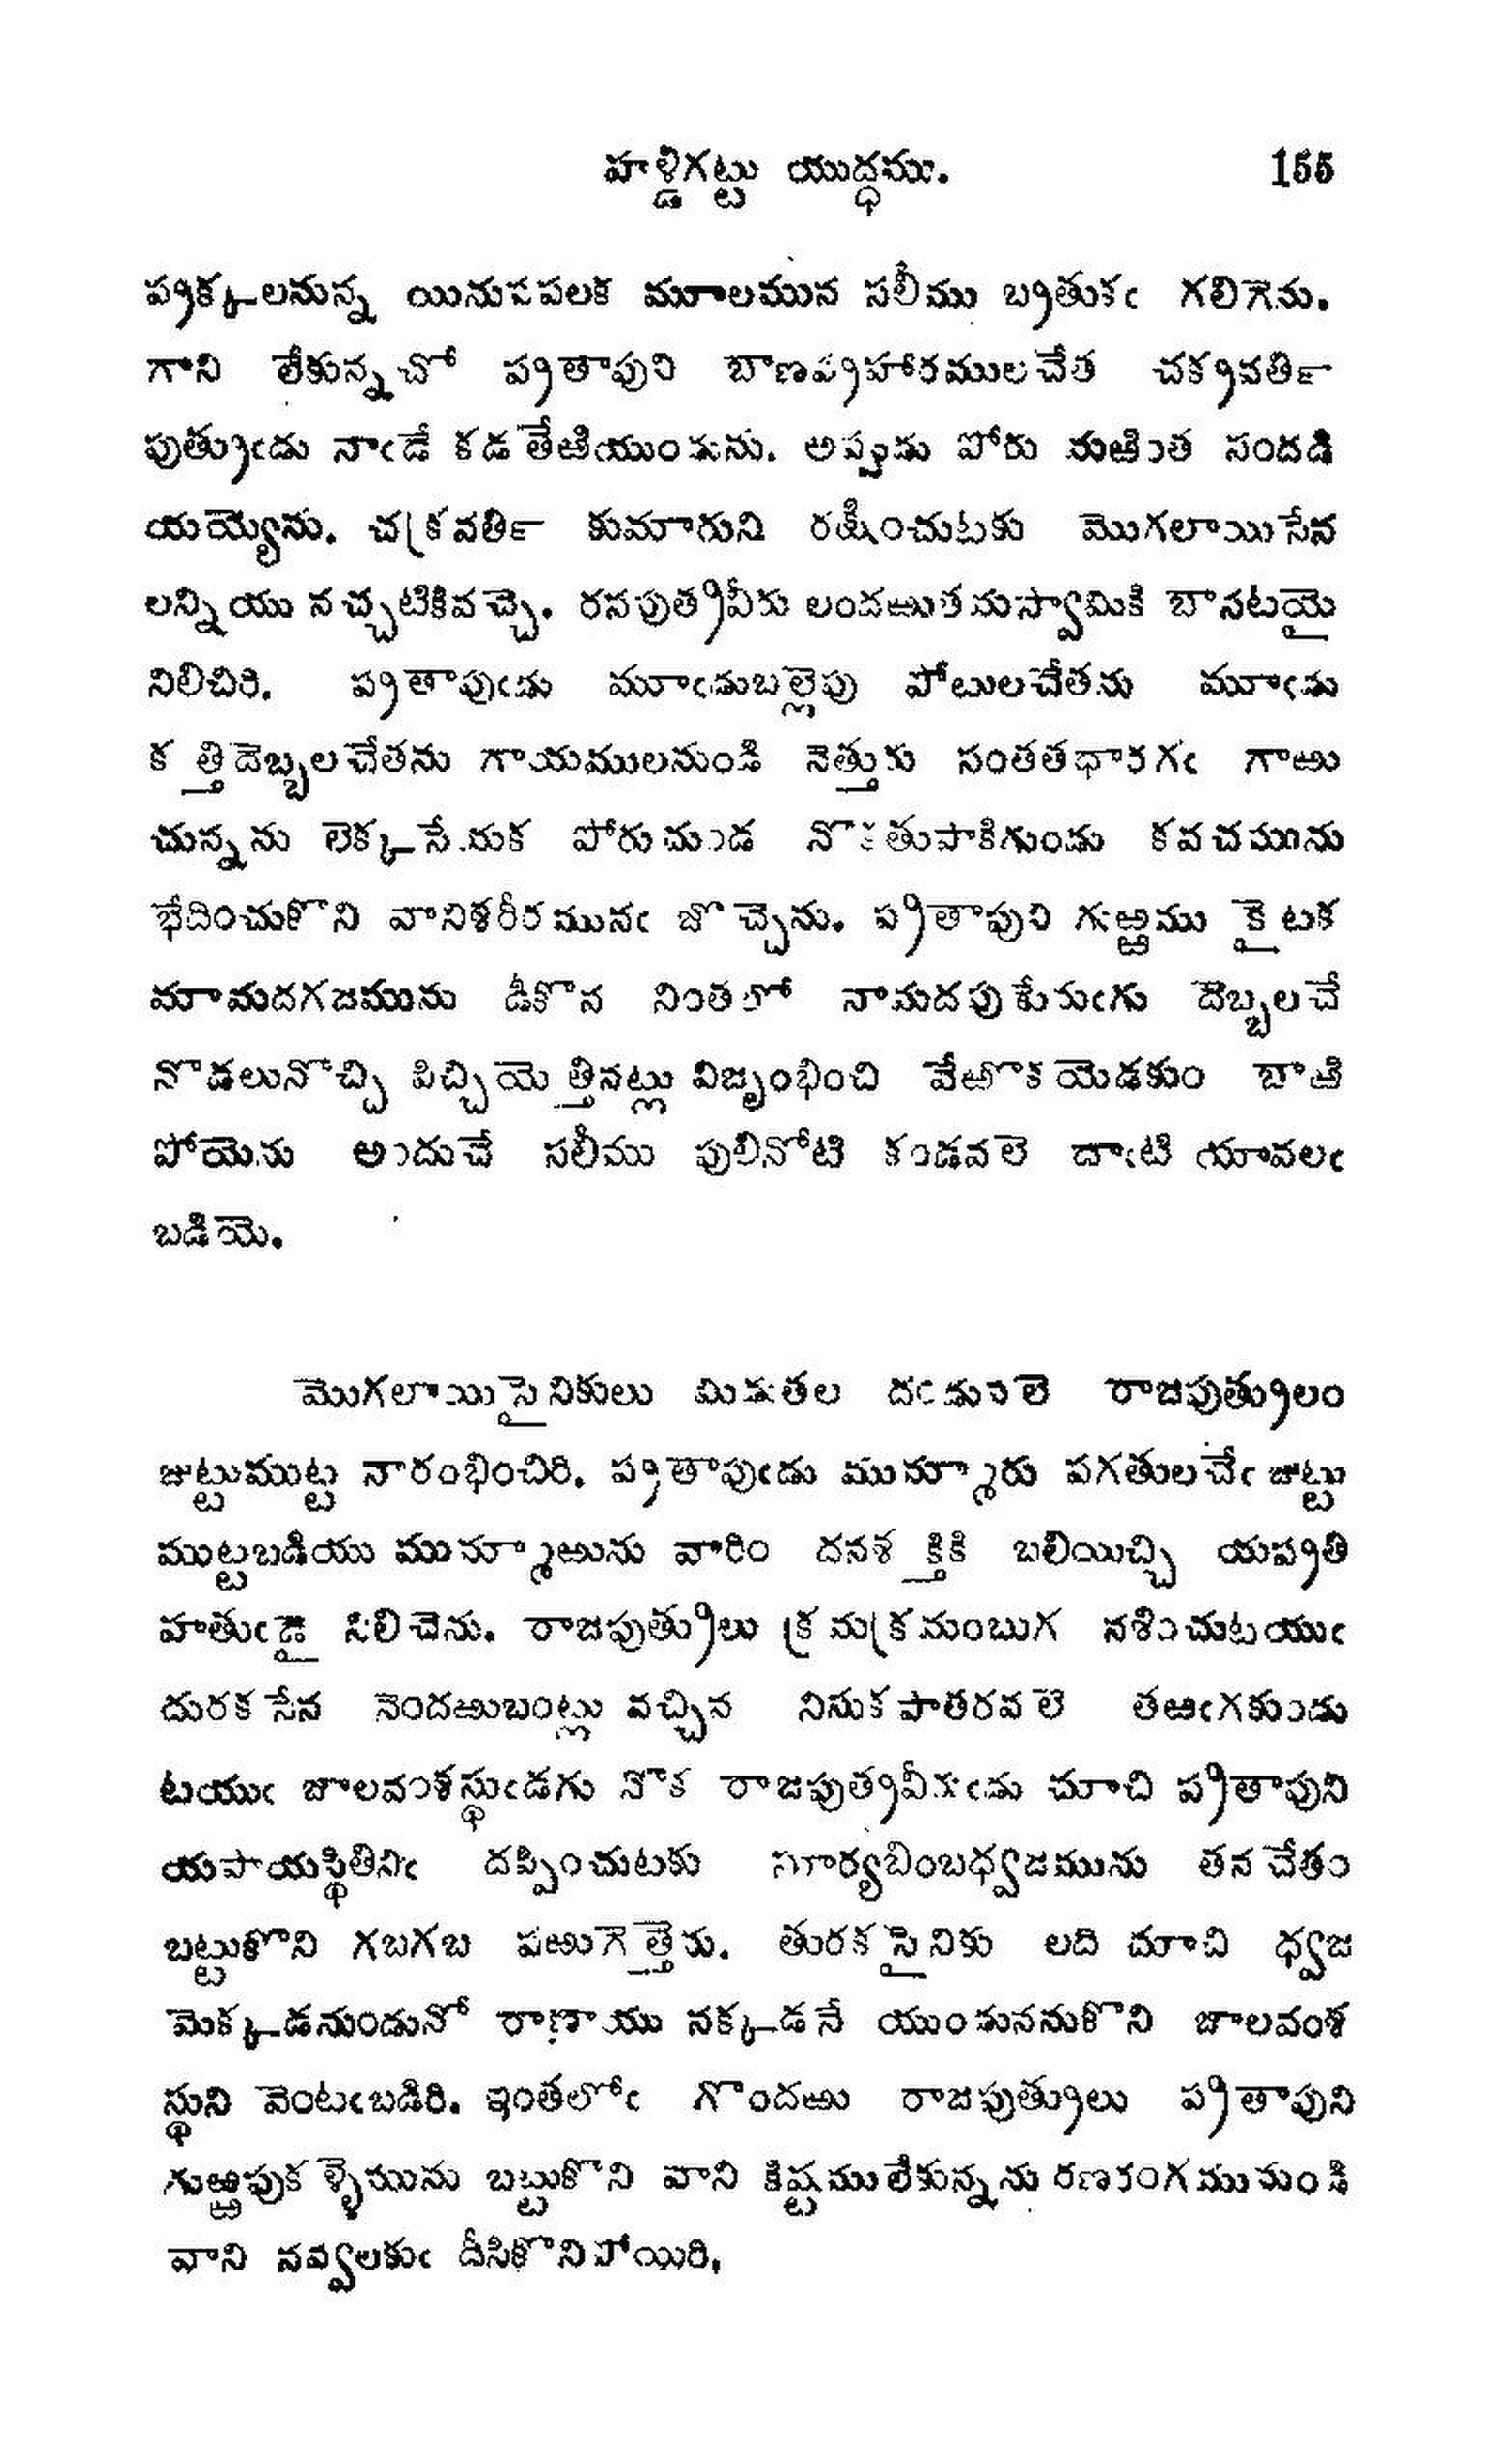పక్కలనున్న యినుప పలక మూలమున సలీము బ్రతుకఁ గలిగెను. గాని లేకున్నచో ప్రతాపుని బాణప్రహారముల చేత చక్రవతి౯ పుత్రుఁడు నాఁడే కడ తేఱియుండును. అప్పుడు పోరు మఱింత సందడి యయ్యెను. చక్రవతీ౯ కుమారుని రక్షించుటకు మొగలాయి సేన లన్నియు నచ్చటికివచ్చే. రసపుత్రవీరు లందఱు తమ స్వామికి బాసటయై నిలిచిరి. ప్రతాపుఁడు మూఁడుబల్లెపు పోటులచేతను మూఁడు కత్తి దెబ్బల చేతను గాయములనుండి నెత్తుకు సంతత ధారగఁ గాఱు చున్నను లెక్క సేయక పోరుచుండ నొక తుపాకి గుండు కవచమును భేదించుకొని వానిశరీరమునఁ జొచ్చెను. ప్రతాపుని గుఱ్ఱము కైటక మామదగజమును డీకొన నింతలో నామదపు టేనుఁగు దెబ్బలచే నొడలునొచ్చి పిచ్చి యెత్తినట్లు విజృంభించి వేఱోక యెడకుం బాఱి పోయెను. అందుచే సలీము పులినోటి కండవలె దాఁటి యావలంబడియె.

మొగలాయి సైనికులు మిడతల దండువలె రాజపుత్రులం జుట్టుముట్ట నారంభించిరి. ప్రతాపుఁడు ముమ్మారు పగతులచేఁ జుట్టు
ముట్టబడియు ముమ్మాఱును వారిం దనశక్తికి బలియిచ్చి యప్రతిహతుఁడై నిలిచెను. రాజపుత్రులు క్రమక్రమంబుగ నశించుటయుఁ
దురక సేన నెందఱుబంట్లు వచ్చిన నిసుక పాతరవలె తఱఁగకుండుటయుఁ జాలవంశస్థుఁడగు నొక రాజపుత్ర వీరుఁడు చూచి ప్రతాపుని
యపాయస్థితినిఁ దప్పించుటకు సూర్యబింబధ్వజమును తన చేతం బట్టుకొని గబగబ పఱుగెత్తేను. తురక సైనికులది చూచి ధ్వజ
మెక్కడనుండునో రాణాయు నక్కడనే యుండుననుకొని జాలవంశస్థుని వెంటఁబడిరి. ఇంతలోఁ గొందఱు రాజపుత్రులు ప్రతాపుని
గుఱ్ఱపుకళ్ళెమును బట్టుకొని దాని కిష్టము లేకున్నను రణరంగము నుండి వాని నవ్వలకుఁ దీసికొని పోయిరి.